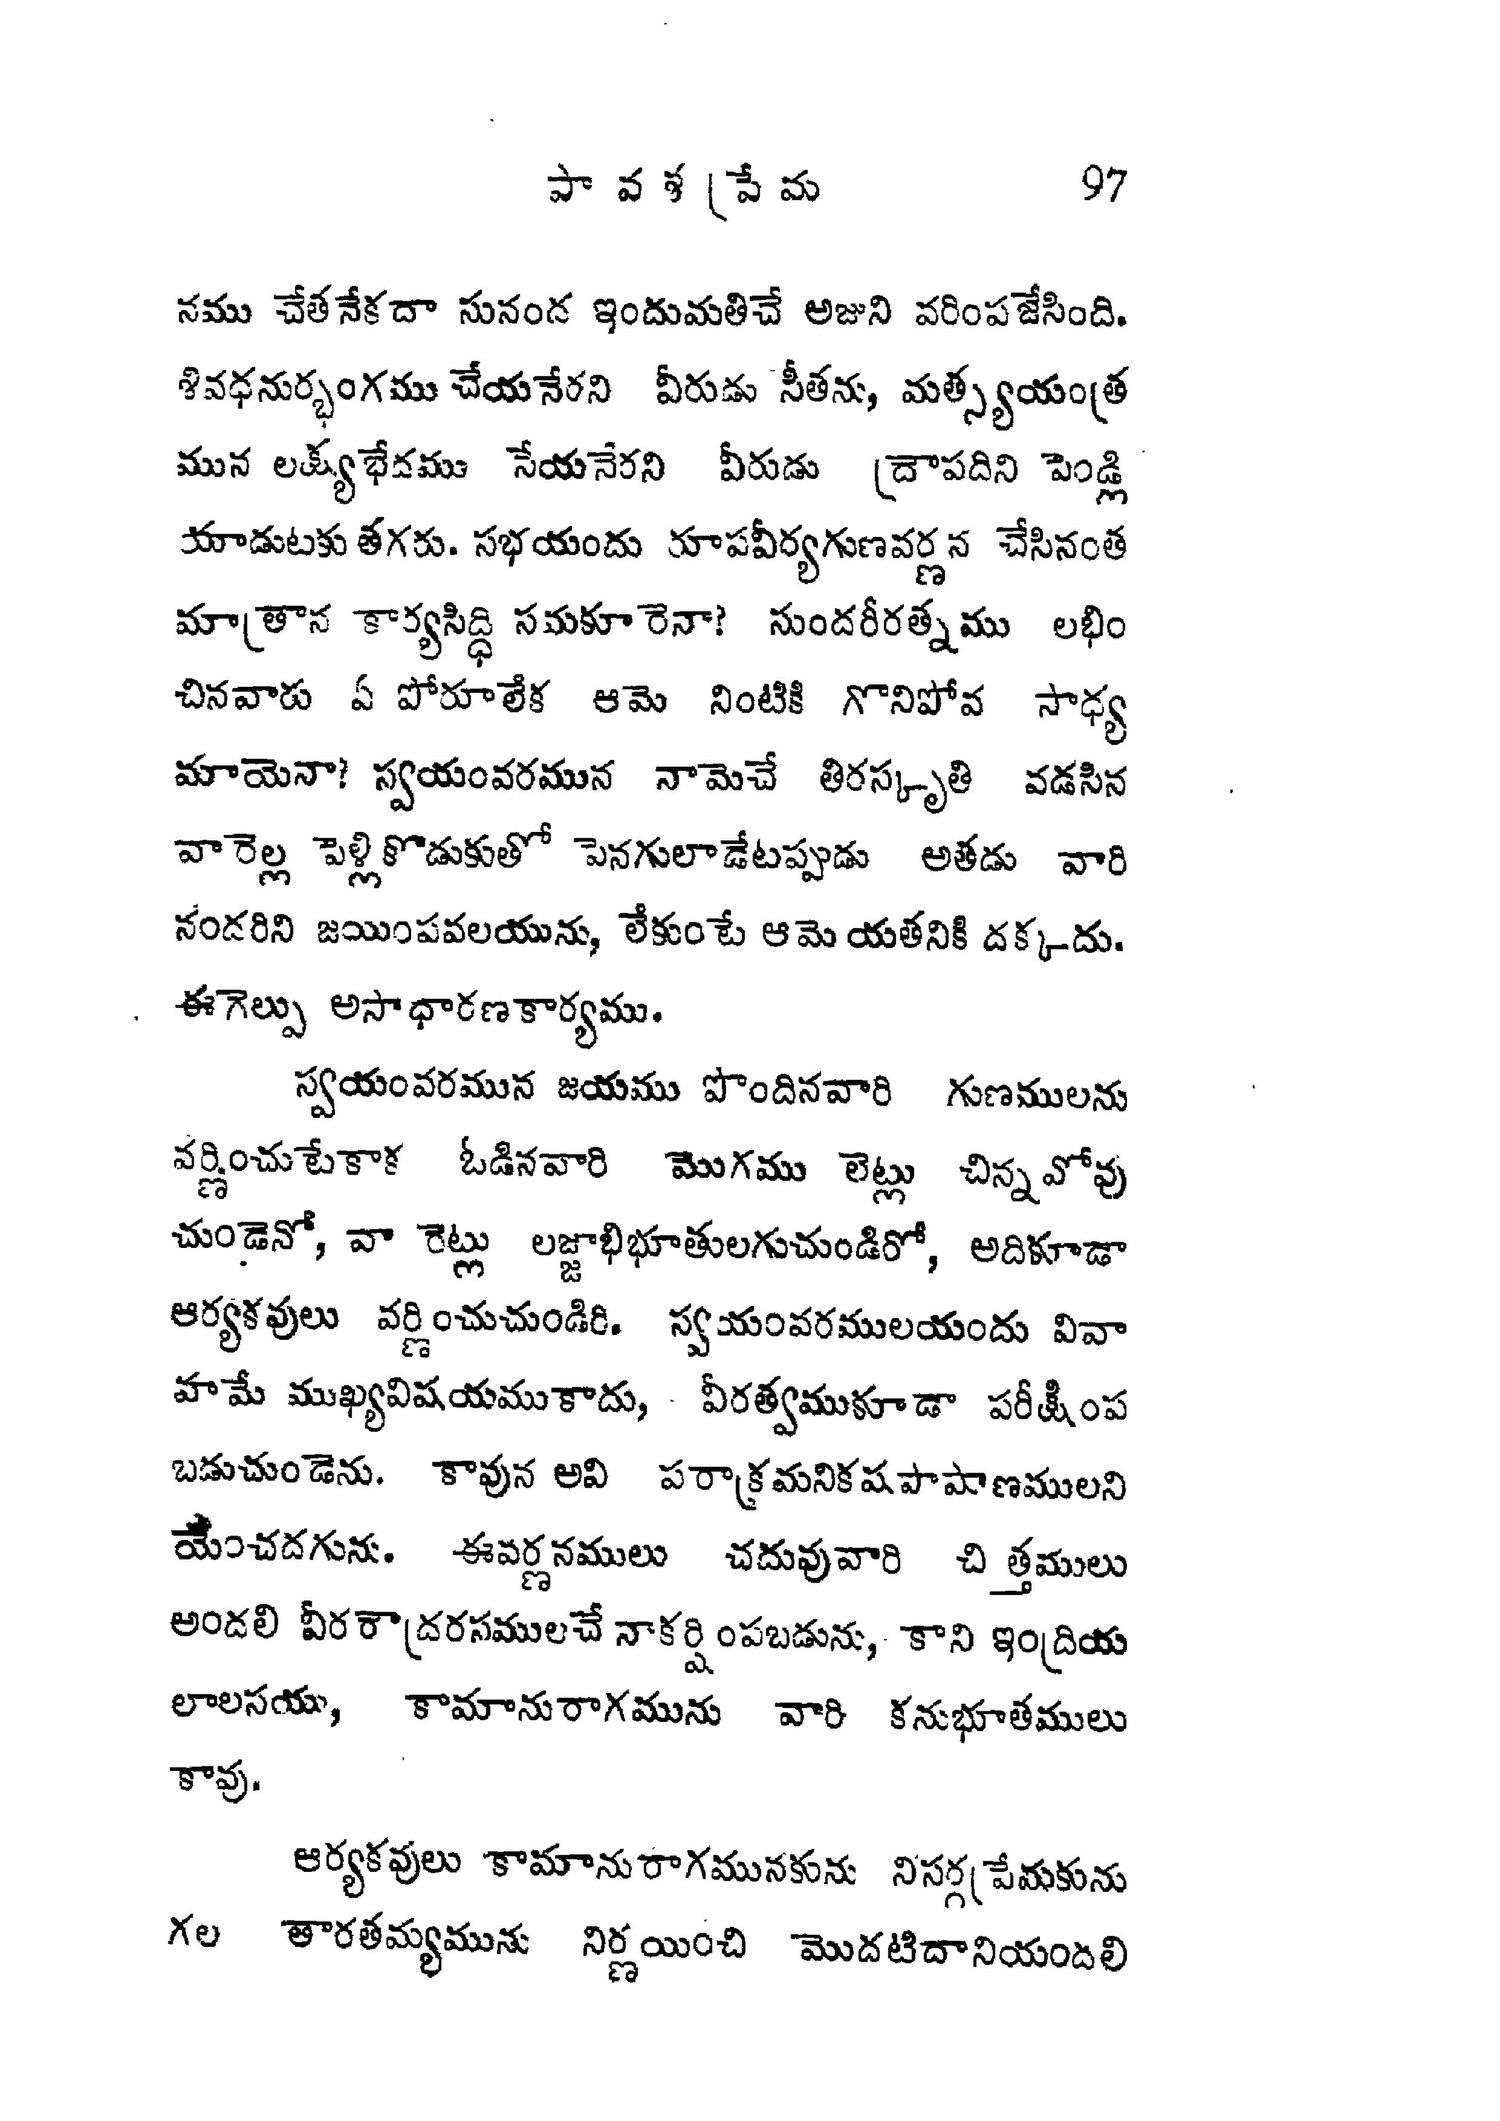నము చేతనేకదా సునంద ఇందుమతిచే అజుని వరింపజేసింది. శివధనుర్భంగము చేయనేరని వీరుడు సీతను, మత్స్యయంత్రమున లక్ష్యభేదము సేయనేరని వీరుడు ద్రౌపదిని పెండ్లియాడుటకు తగరు. సభయందు రూపవీర్యగుణవర్ణన చేసినంత మాత్రాన కార్యసిద్ధి సమకూరెనా? సుందరీరత్నము లభించినవారు ఏ పోరులేక ఆమె నింటికి గొనిపోవ సాధ్య మాయెనా? స్వయంవరమున నామేచే తిరస్కృతి వడసిన వారెల్ల పెళ్లికొడుకుతో పెనుగులాడేటప్పుడు అతడు వారి నందరిని జయింపవలయును, లేకుంటే ఆమె యతనికి దక్కదు. ఈగెల్పు అసాధారణకార్యము.

స్వయంవరమున జయము పొందినవారి గుణములను వర్ణించుటేకాక ఓడినవారి మొగము లెట్లు చిన్నవోవు చుండెనో, వా రెట్లు లజ్జాభిభూతులగుచుండిరో, అదికూడా ఆర్యకవులు వర్ణించుచుండిరి. స్వయంవరముల యందు వివాహమే ముఖ్యవిషయముకాదు, వీరత్వముకూడా పరీక్షింపబడుచుండెను. కావున అవి పరాక్రమనికషపాషాణములని యెంచదగును. ఈవర్ణనములు చదువువారి చిత్తములు అందలి వీరరౌద్రరసములచే నాకర్షింపడును, కాని ఇంద్రియ లాలసయు, కామానురాగమును వారి కనుభూతములు కావు.

ఆర్యకవులు కామానురాగమునకును నిసర్గప్రేమకును గల తారతమ్యమును నిర్ణయించి మొదటిదానియందలి